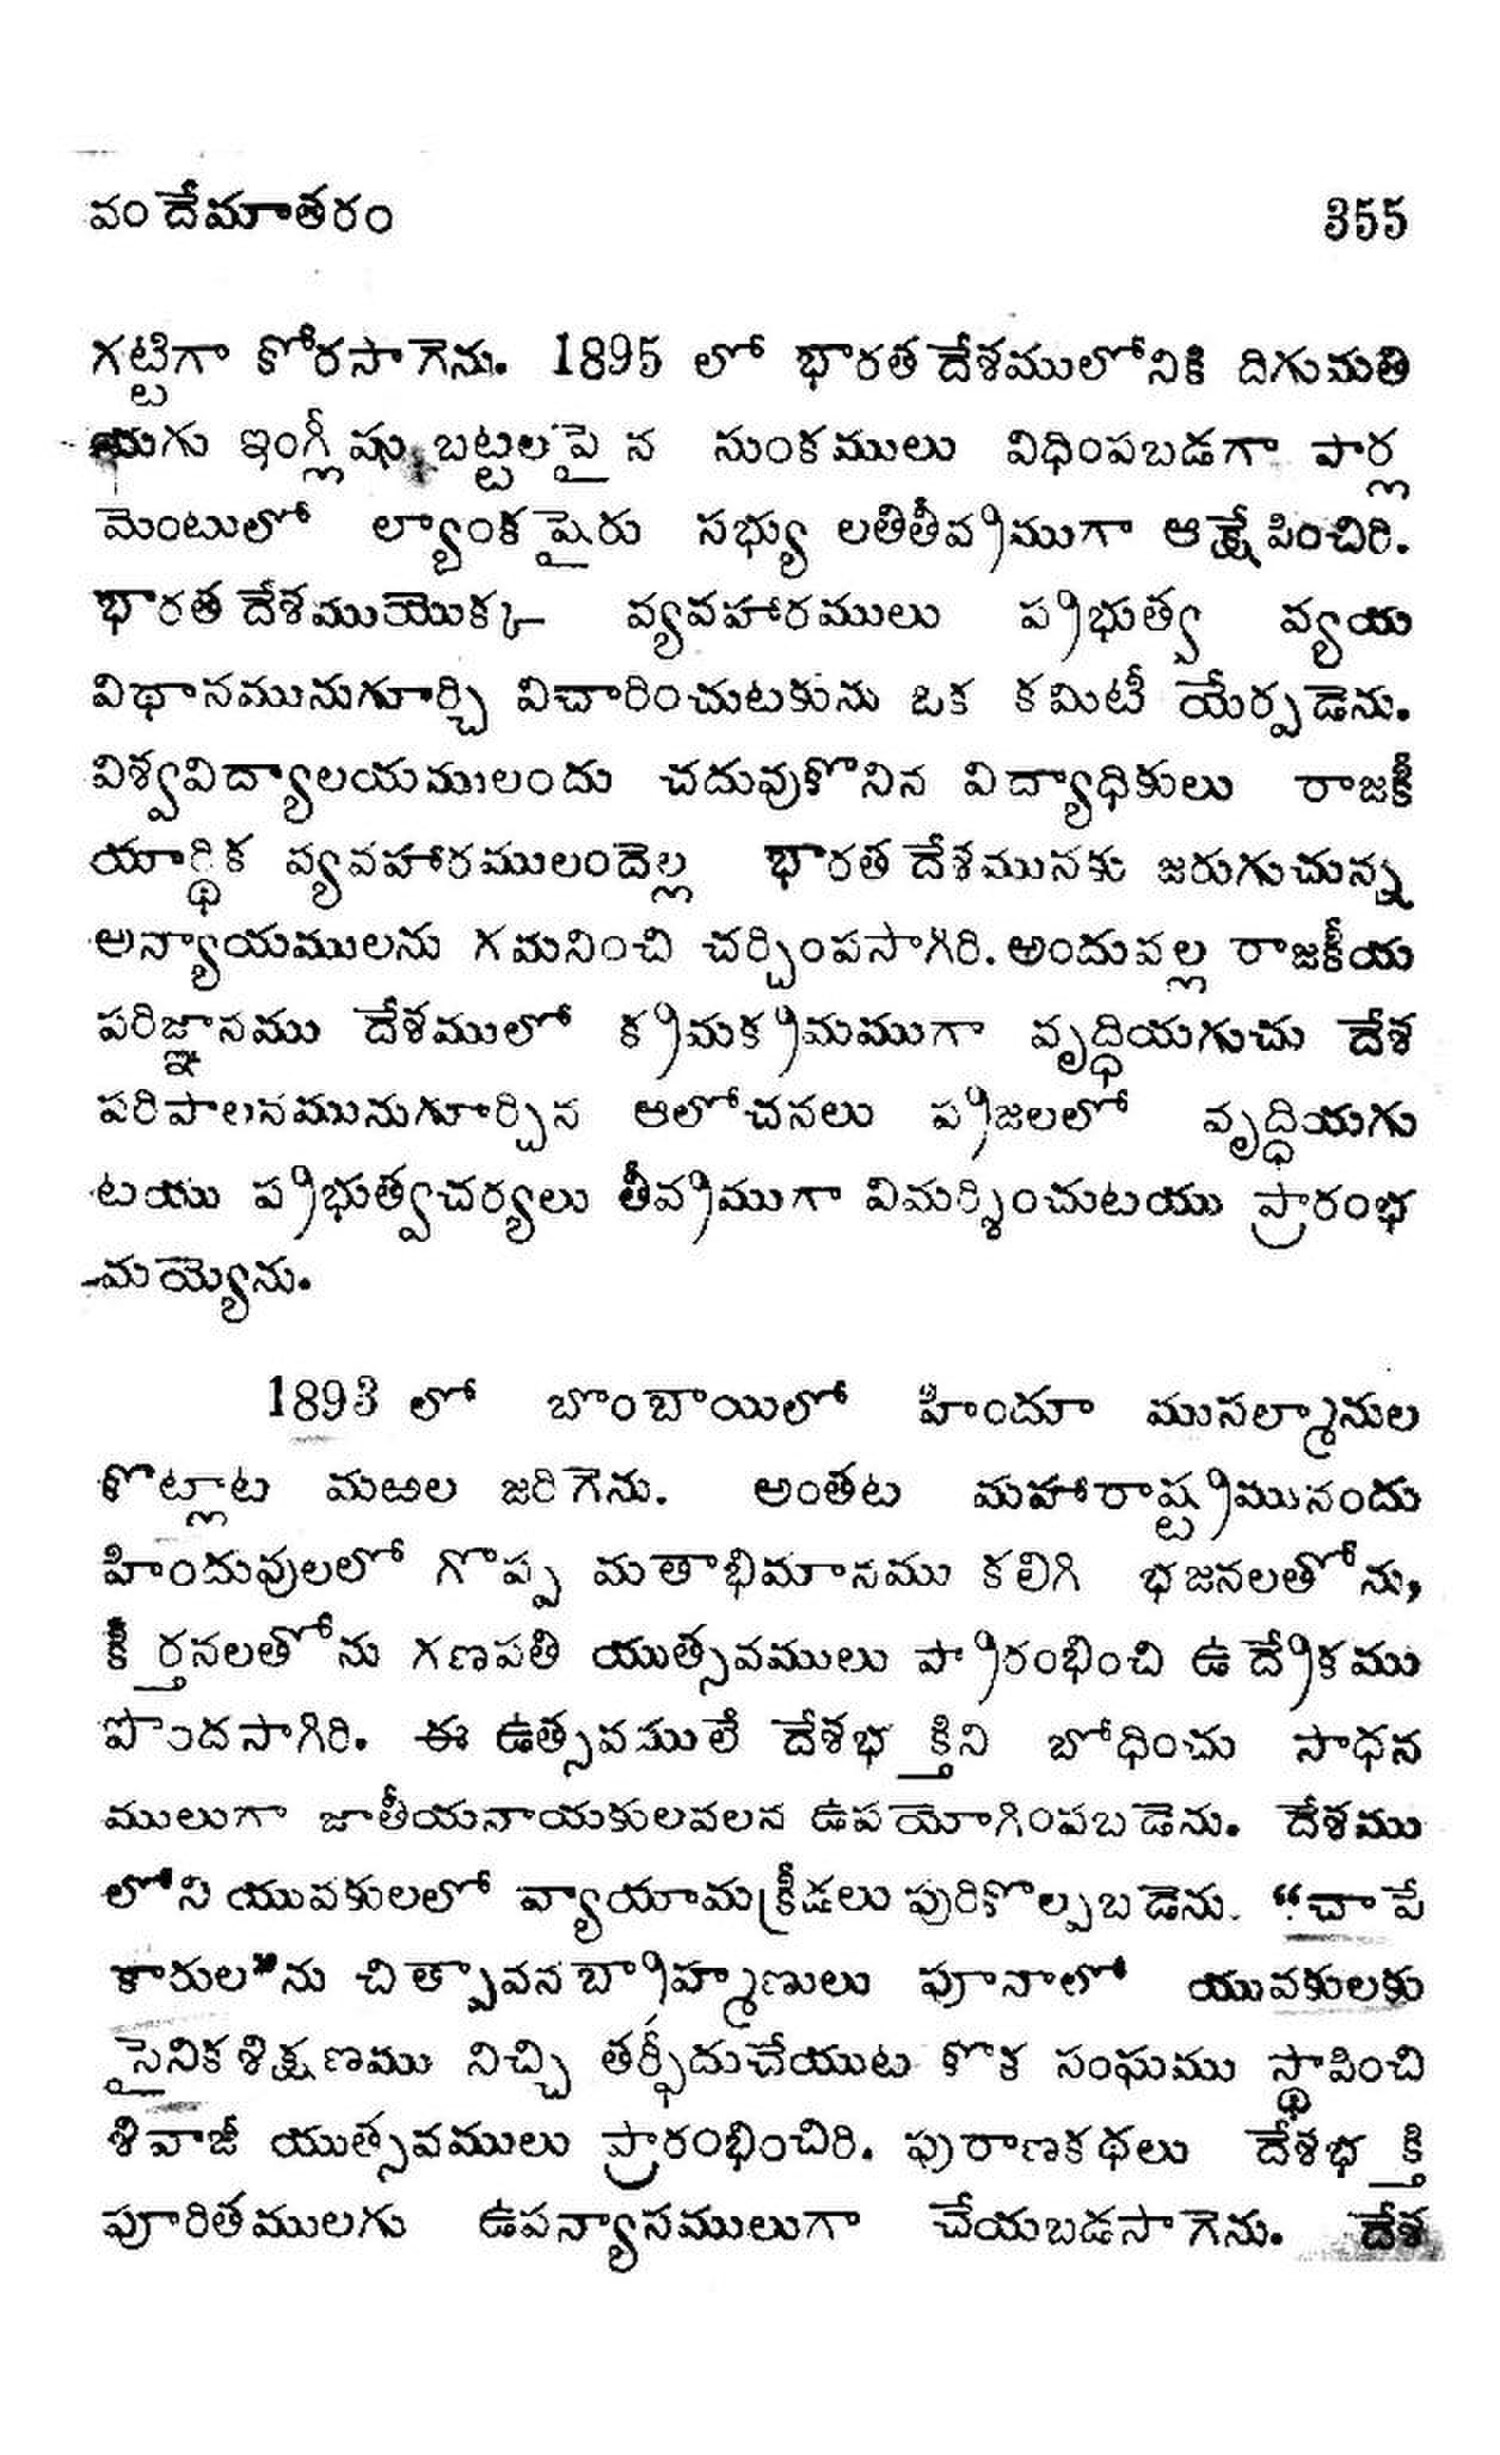గట్టిగా కోరసాగెను. 1895 లో భారతదేశములోనికి దిగుమతియగు ఇంగ్లీషు బట్టలపైన సుంకములు విధింపబడగా పార్లమెంటులో ల్యాంకషైరు సభ్యు లతితీవ్రముగా ఆక్షేపించిరి. భారతదేశముయొక్క వ్యవహారములు ప్రభుత్వ వ్యయ విథానమునుగూర్చి విచారించుటకుసు ఒక కమిటీ యేర్పడెను. విశ్వవిద్యాలయములందు చదువుకొనిన విద్యాధికులు రాజకీయార్థిక వ్యవహారములందెల్ల భారతదేశమునకు జరుగుచున్న అన్యాయములను గమనించి చర్చింపసాగిరి. అందువల్ల రాజకీయ పరిజ్ఞానము దేశములో క్రమక్రమముగా వృద్ధియగుచు దేశపరిపాలనమునుగూర్చిన ఆలోచనలు ప్రజలలో వృద్ధియగుటయు ప్రభుత్వచర్యలు తీవ్రముగా విమర్శించుటయు ప్రారంభమయ్యెను.

1893 లో బొంబాయిలో హిందూ ముసల్మానుల కొట్లాట మఱల జరిగెను. అంతట మహారాష్ట్రమునందు హిందువులలో గొప్ప మతాభిమానము కలిగి భజనలతోను, కీర్తనలతోను గణపతి యుత్సవములు ప్రారంభించి ఉద్రేకము పొందసాగిరి. ఈ ఉత్సవములే దేశభక్తిని బోధించు సాధనములుగా జాతీయనాయకులవలన ఉపయోగింపబడెను. దేశములోని యువకులలో వ్యాయామక్రీడలు పురికొల్పబడెను. "చాపే కారుల"ను చిత్పావనబ్రాహ్మణులు పూనాలో యువకులకు సైనికశిక్షణము నిచ్చి తర్ఫీదుచేయుట కొక సంఘము స్థాపించి శివాజీ యుత్సవములు ప్రారంభించిరి. పురాణకథలు దేశభక్తి పూరితములగు ఉపన్యాసములుగా చేయబడసాగెను. దేశ